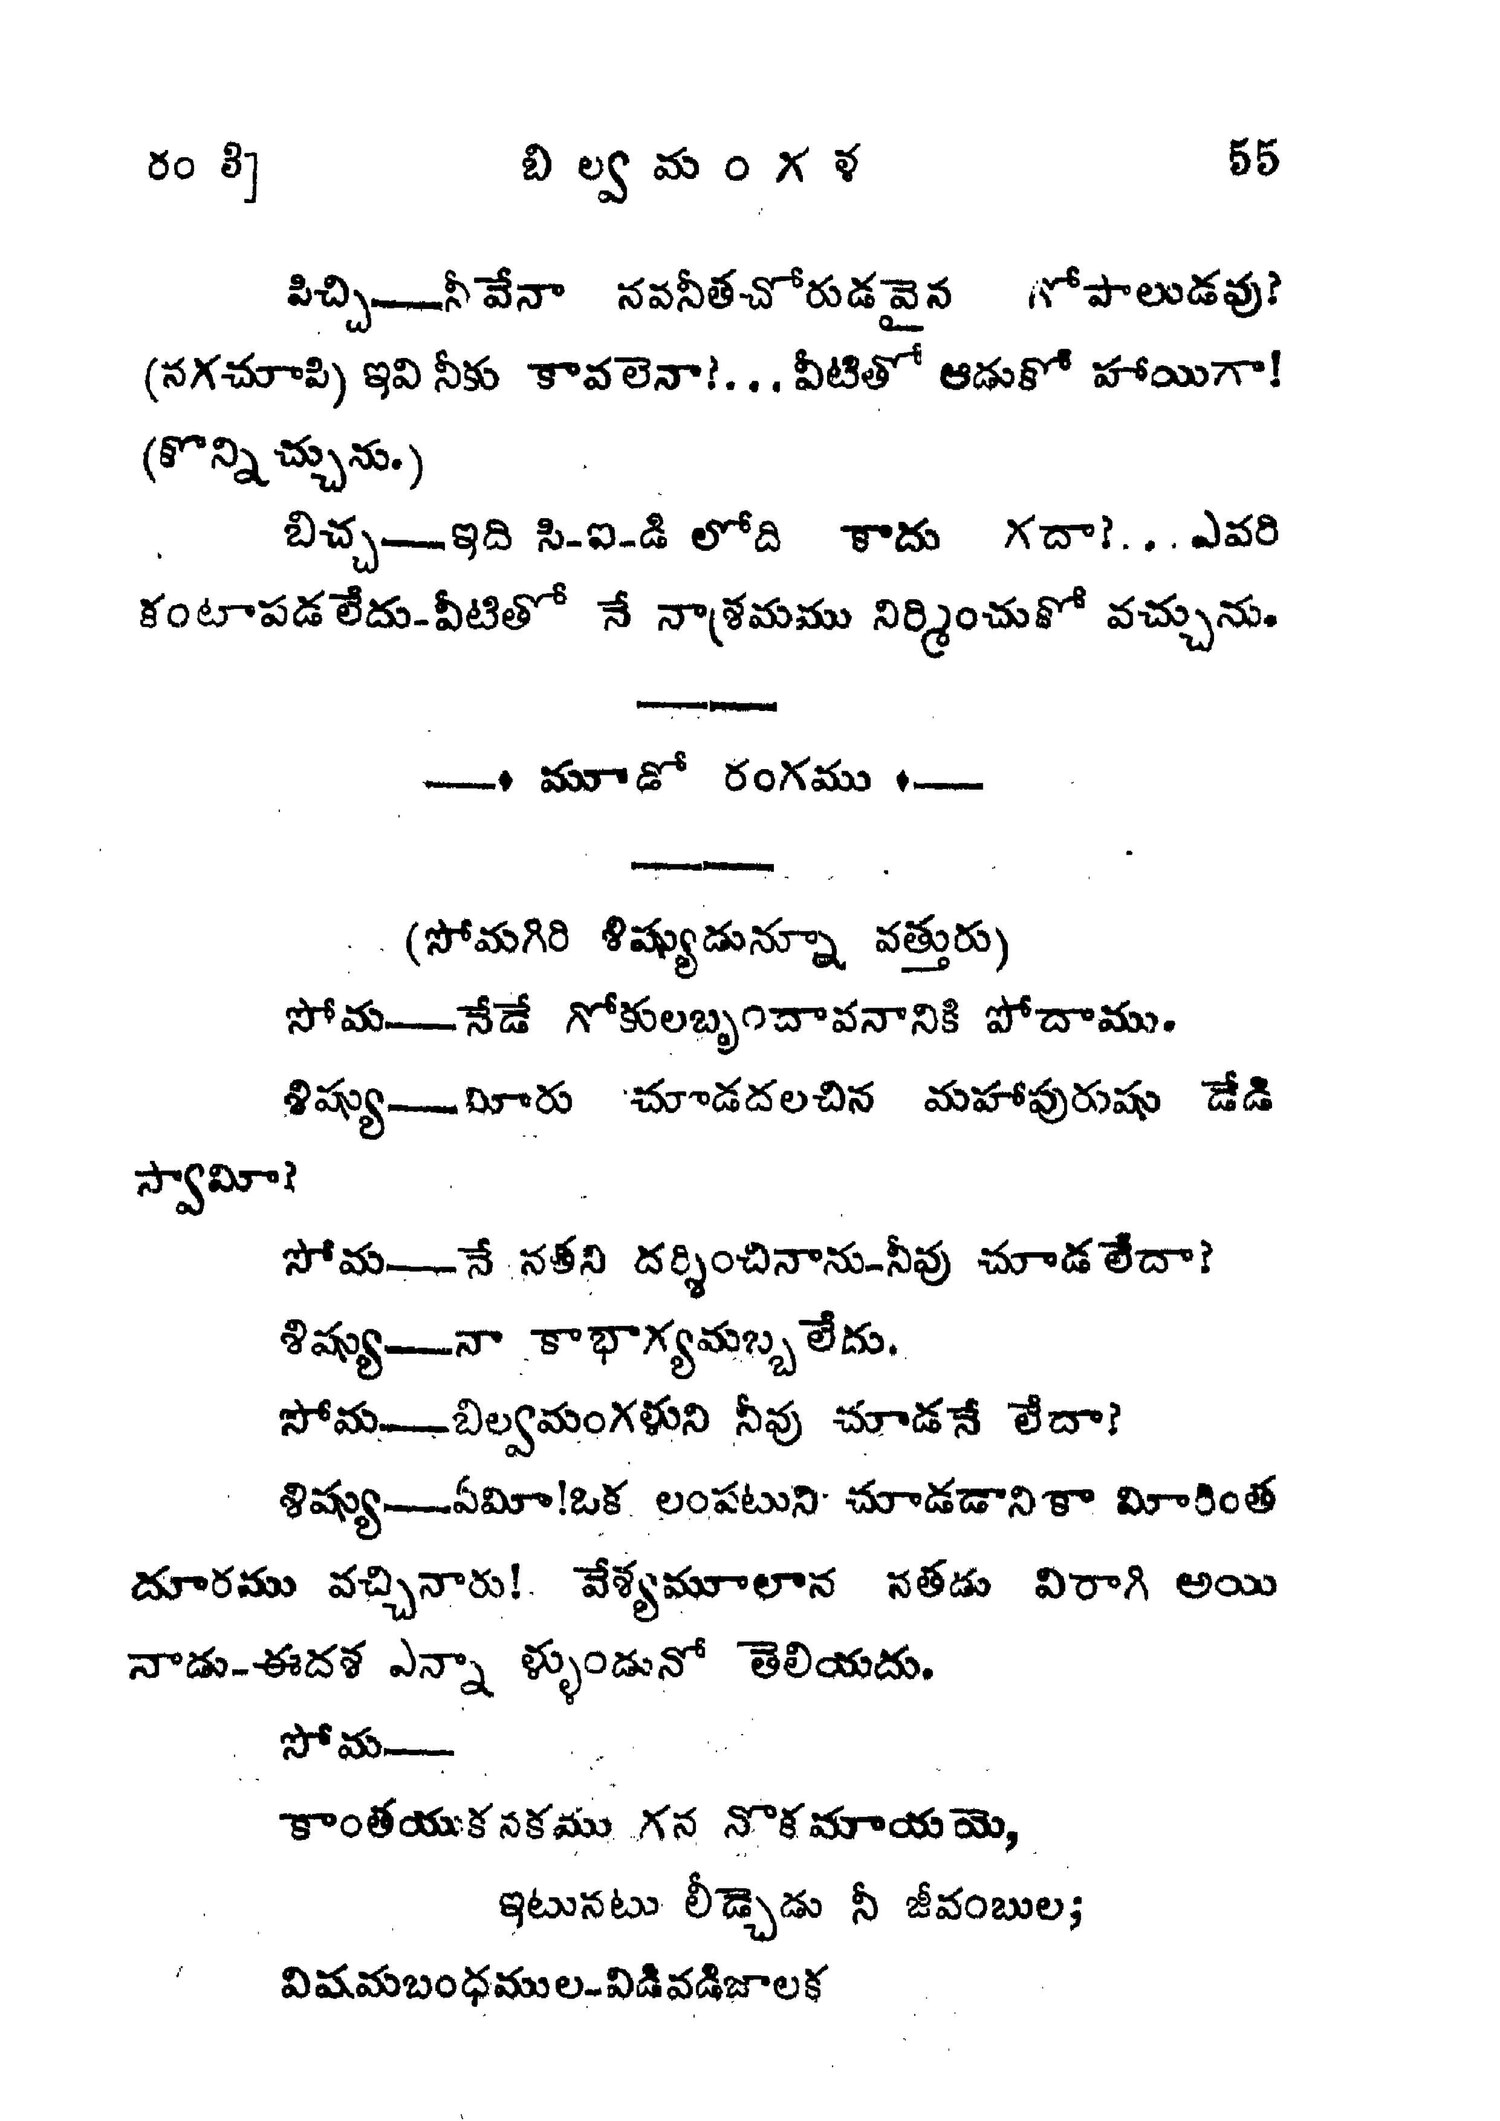పిచ్చి - నీవేనా నవనీతచోరుడవైన గోపాలుడవు? (నగచూపి) ఇవి నీకు కావలెనా?...వీటితో ఆడుకో హాయిగా! (కొన్నిచ్చును.)

బిచ్చ - ఇది సి-ఐ-డి లోది కాదు గదా?..ఎవరి కంటాపడలేదు-వీటితో నే నాశ్రమము నిర్మించుకో వచ్చును.

సోమ - నేడే గోకులబృందావనానికి పోదాము.

శిష్యు - మీరు చూడదలచిన మహాపురుషు డేడి స్వామీ?

సోమ - నే నతని దర్శించినాను-నీవు చూడలేదా?

శిష్యు - నా కాభాగ్యమబ్బలేదు.

సోమ - బిల్వమంగళుని నీవు చూడనే లేదా?

శిష్యు - ఏమీ! ఒక లంపటుని చూడడానికా మీరింత దూరము వచ్చినారు! వేశ్యమూలాన నతడు విరాగి అయినాడు-ఈదశ ఎన్నా ళ్ళుండునో తెలియదు.

సోమ -

 కాంతయుకనకము గన నొకమాయయె,
 ఇటునటు లీడ్చెడు నీ జీవంబుల;
 విషమబంధముల-విడివడిజాలక